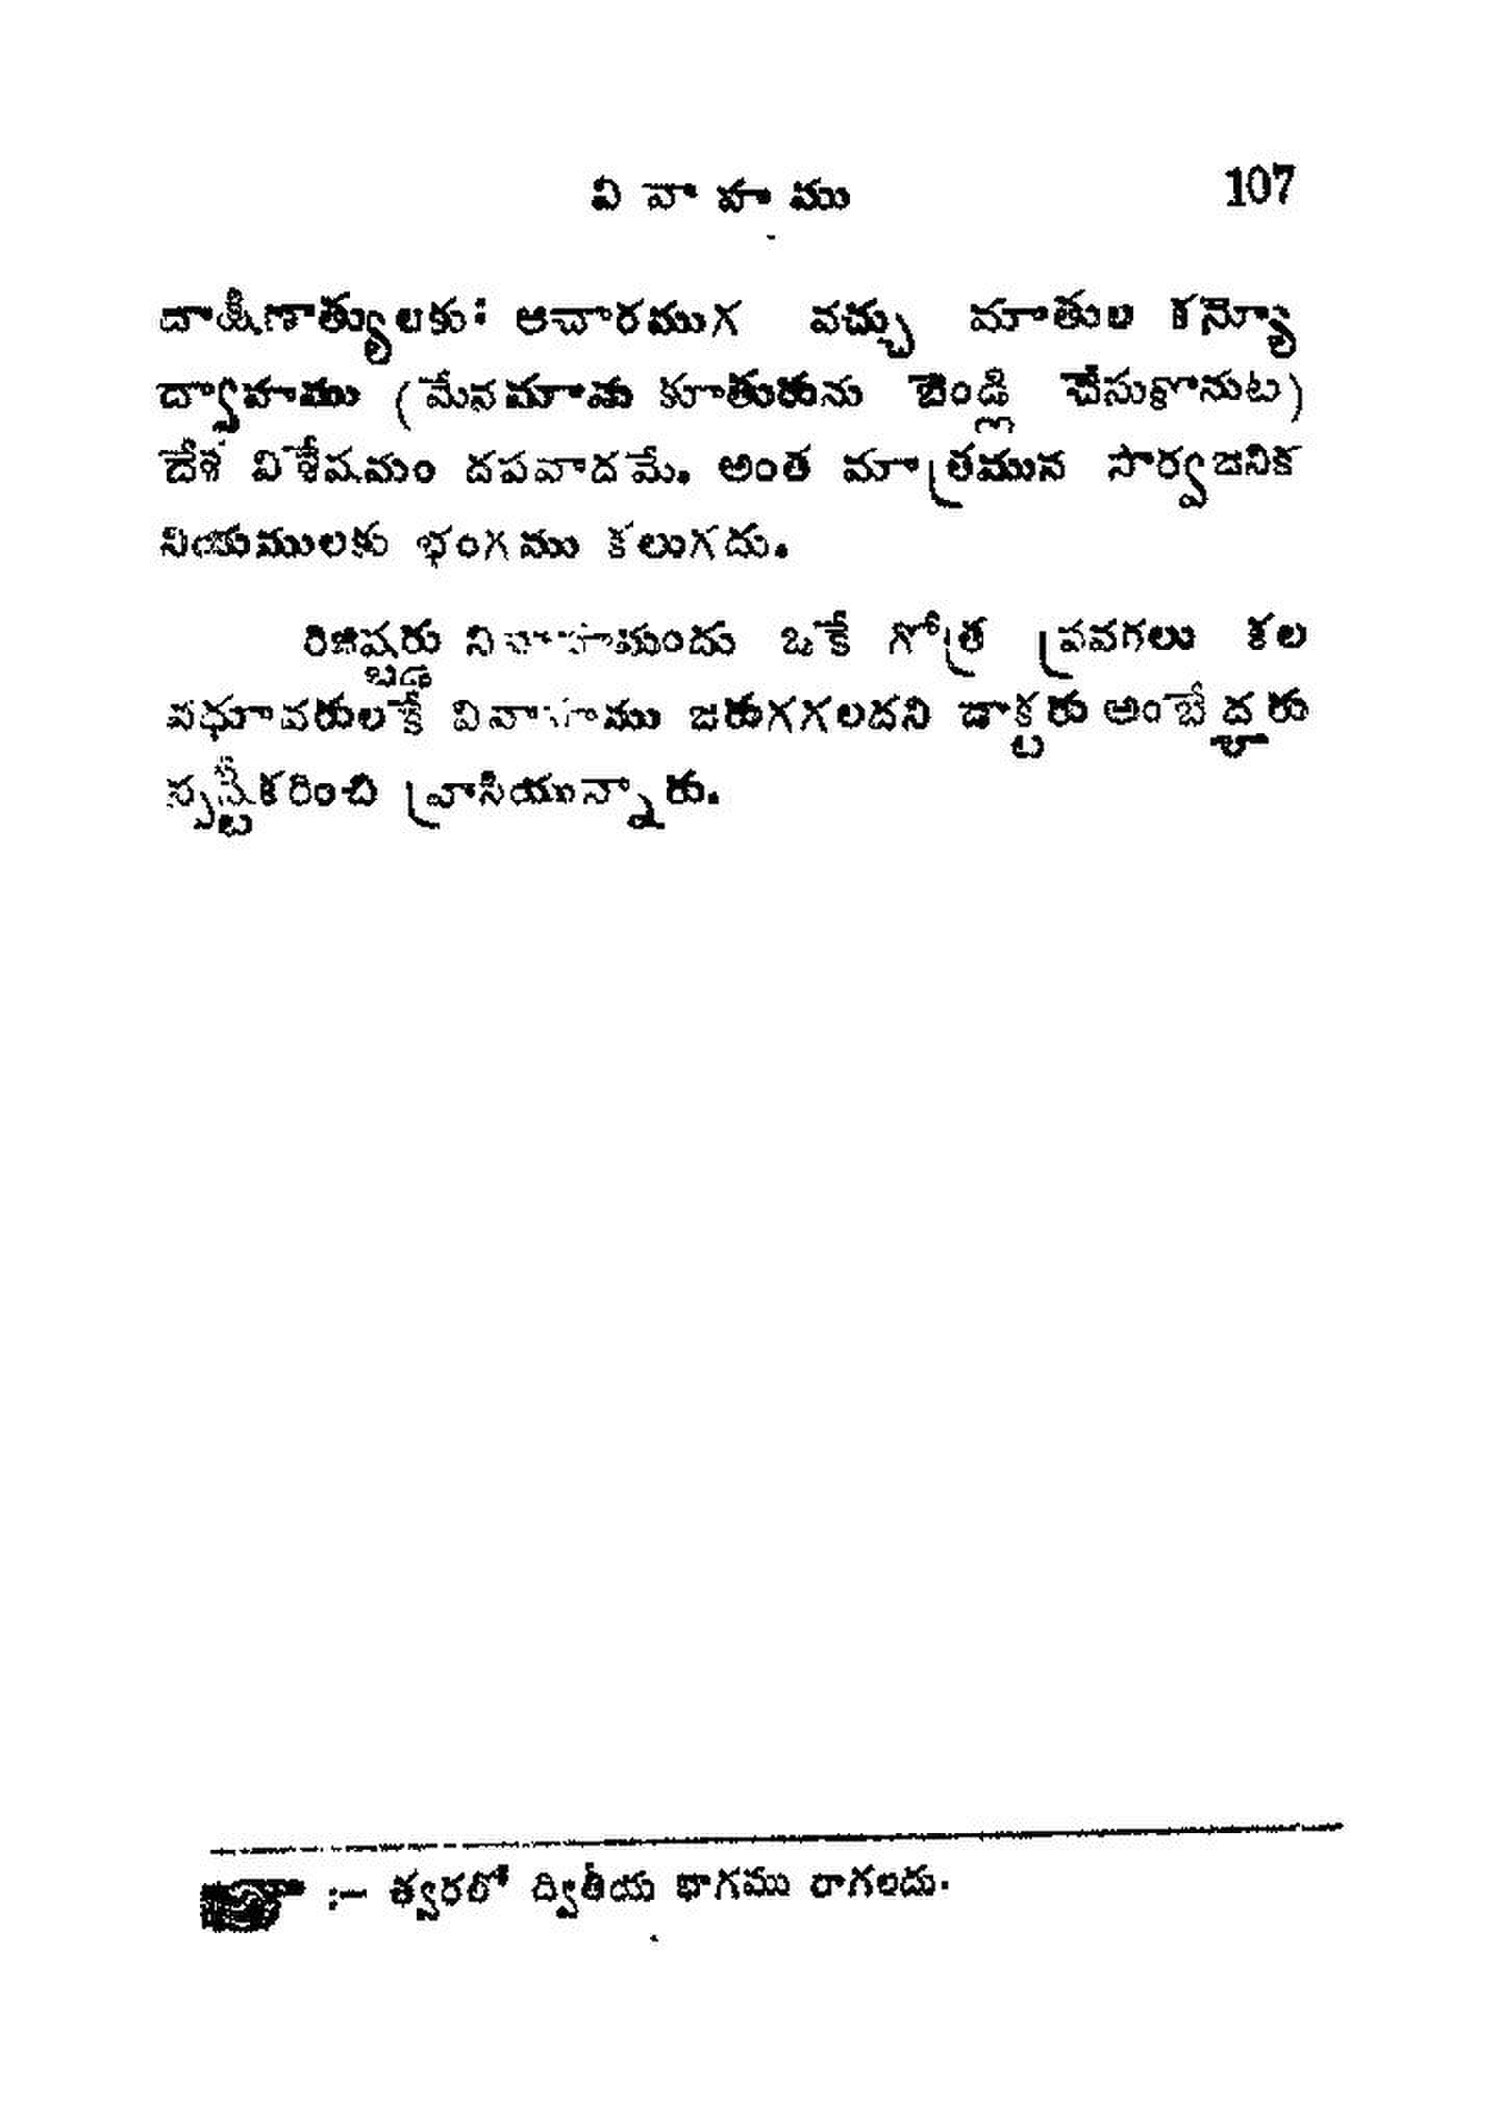దాక్షిణాత్యులకు ఆచారముగ వచ్చు మాతుల కన్యోద్వాహము 
(మేనమామ కూతురును బెండ్లి చేసుకొనుట)
దేశ విశేషమం దపవాదమే. అంత మాత్రమున సార్వజనిక
నియములకు భంగము కలుగదు.

రిజిష్టర్డు నివాహముందు ఒకే గోత్ర ప్రవరలు కల
వధూవరులకే వివాహము జరగగలదని డాక్టరు అంబేద్దరు
స్పష్టీకరించి వ్రాసియున్నారు.

____________________________________________________________________________________________________
త్వరలో ద్వితీయ భాగము రాగలదు.